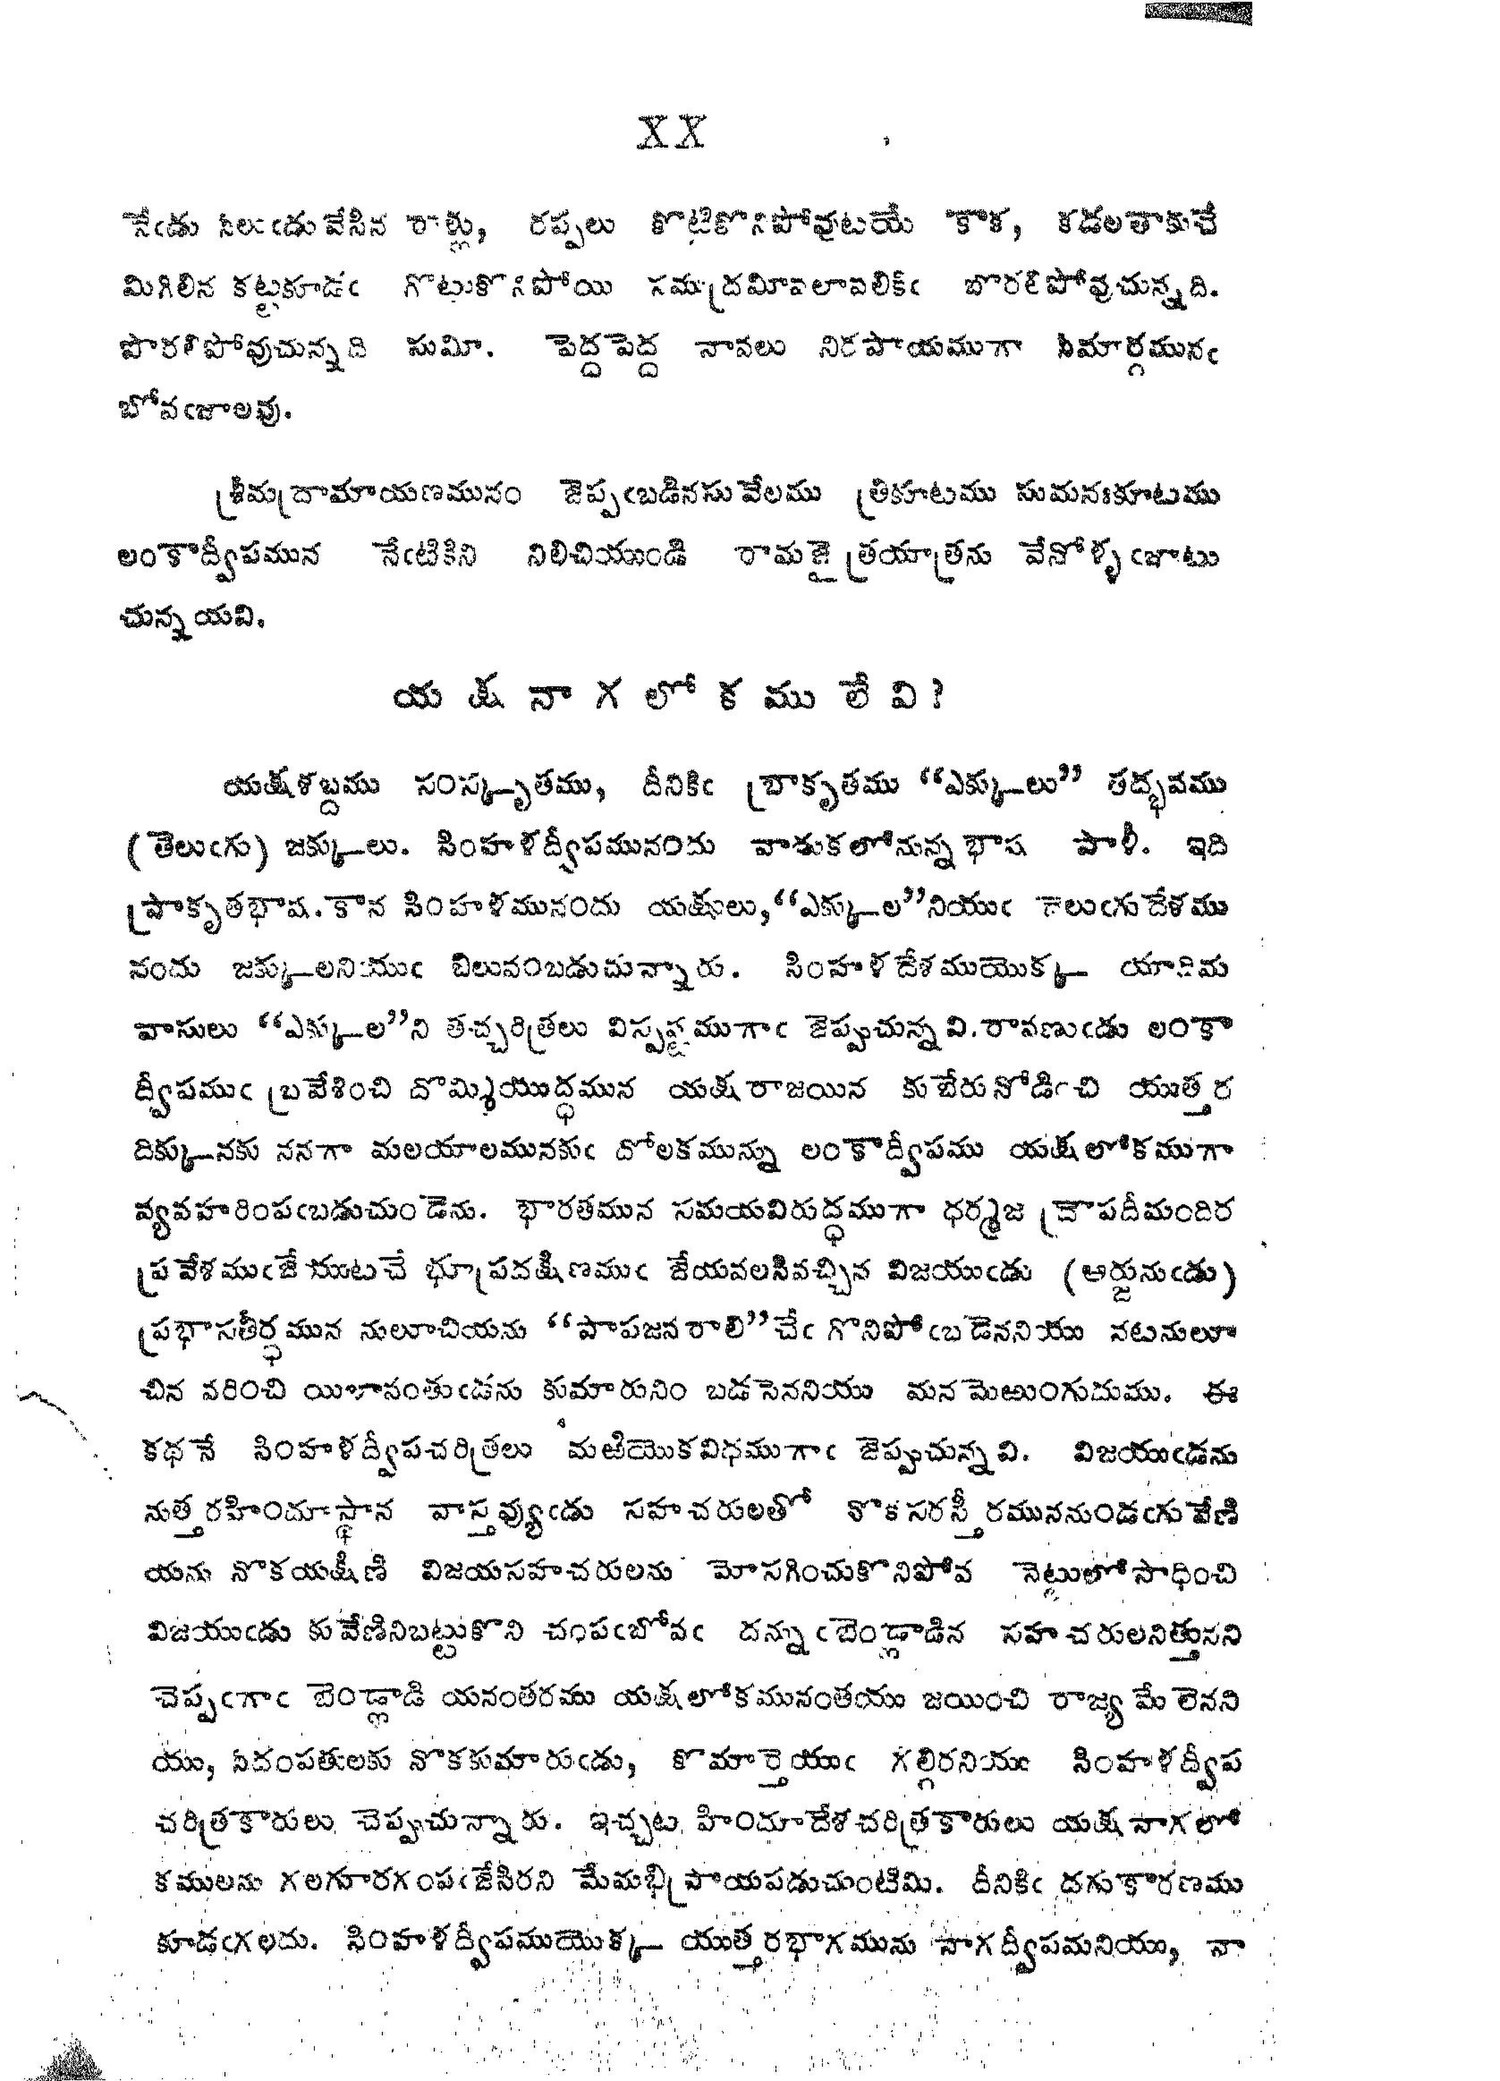నేఁడు నీలుడు వేసిన రాళ్లు, రప్పలు కొట్టికొని పోవుటయే ' కాక, కడలతాకు చే
మిగిలిన కట్ట కూడఁ గొట్టుకొని పోయి సముద్రమీవలాపలికి బొరలి పోవుచున్నది.
పొరలిపోవుచున్నది సుమీ. పెద్ద పెద్ద నావలు నిరపాయముగా నీ మార్గమునఁ
బోవఁజాలవు.

శ్రీమద్రామాయణమునం జెప్పఁబడిన సువేలము త్రికూటము సుమనఃకూటము
లంకాద్వీపమున నేటికిని నిలిచియుండి రామజై త్రయాత్రను వేనోళ్ళ జాటు
చున్న యవి.

యక్ష శబ్దము సంస్కృతము, దీనికిఁ బ్రాకృతము “ఎక్కులు” తద్భవము
(తెలుఁగు) జక్కులు. సింహళ ద్వీపమునందు వాడుకలోనున్న భాష పొళి.
ప్రాకృత భాష. కాన సింహళము నందు యక్షులు, “ఎక్కుల” నియుఁ తెలుఁగు దేశము
నందు జక్కులనియు బిలువంబడు చున్నారు. సింహళ దేశముయొక్క
వాసులు “ఎక్కుల'ని తచ్చరిత్రలు విస్పష్టముగాఁ జెప్పుచున్నవి. రావణుఁడు లంకా
ద్వీపముఁ బ్రవేశించి దొమ్మి యుద్ధమున యక్ష రాజయిన కుబేరు నోడిఁచి యుత్తర
దిక్కునకు ననగా మలయాలమునకుఁ దోలకమున్ను లంకాద్వీపము యక్ష లోకముగా
వ్యవహరింపఁ బడుచుండెను. భారతమున సమయ విరుద్ధముగా ధర్మజ ద్రౌపదీ మందిర
ప్రవేశముఁజేయుటచే భూప్రదక్షిణముఁ జేయవలసి వచ్చిన విజయుఁడు (ఆర్జునుఁడు)
ప్రభాసతీర్థమున నులూచియను "పాపజవరాలి” చేఁ గొనిపోఁబడెననియు నటనులూ
చిన వరించి యినంతుఁడను కుమారునిం బడసెననియు మన మెఱుంగుదుము. ఈ
కథనే సింహళ ద్వీపచరిత్రలు మఱియొక విధము గాఁ జెప్పుచున్నవి. విజయుఁడను
నుత్త రహిందూస్థాన వాస్తవ్యుఁడు సహచరులతో రొక సరస్తీ రముననుండఁగు వేణి
యను నొక యక్షిణి విజయసహచరులను మోసగించు కొనిపోవ నెట్టులో సాధించి :
విజయుఁడు కు వేణినిబట్టుకొని చంపఁబోవఁ దన్ను బెండ్లాడిన సహచరులనిత్తునని
చెప్పఁగాఁ బెండ్లాడి యనంతరము యక్ష లోకమునంతయు జయించి రాజ్య మేలెనని
యు, నీదంపతులకు నొకకుమారుఁడు, కొమార్తెయఁ గల్గిరనియం సింహళ ద్వీప
చరిత్రకారులు చెప్పుచున్నారు. ఇచ్చట, హిందూ దేశ చరిత్రకారులు యక్ష నాగలో
కములను గలగూరగంపఁ జేసిరని మేమభిప్రాయపడు చుంటిమి. దీనికిఁ దగు కారణము
కూడగలదు. సింహళ ద్వీపము యొక్క యుత్తర భాగమును 'నాగ ద్వీపమనియు, నా